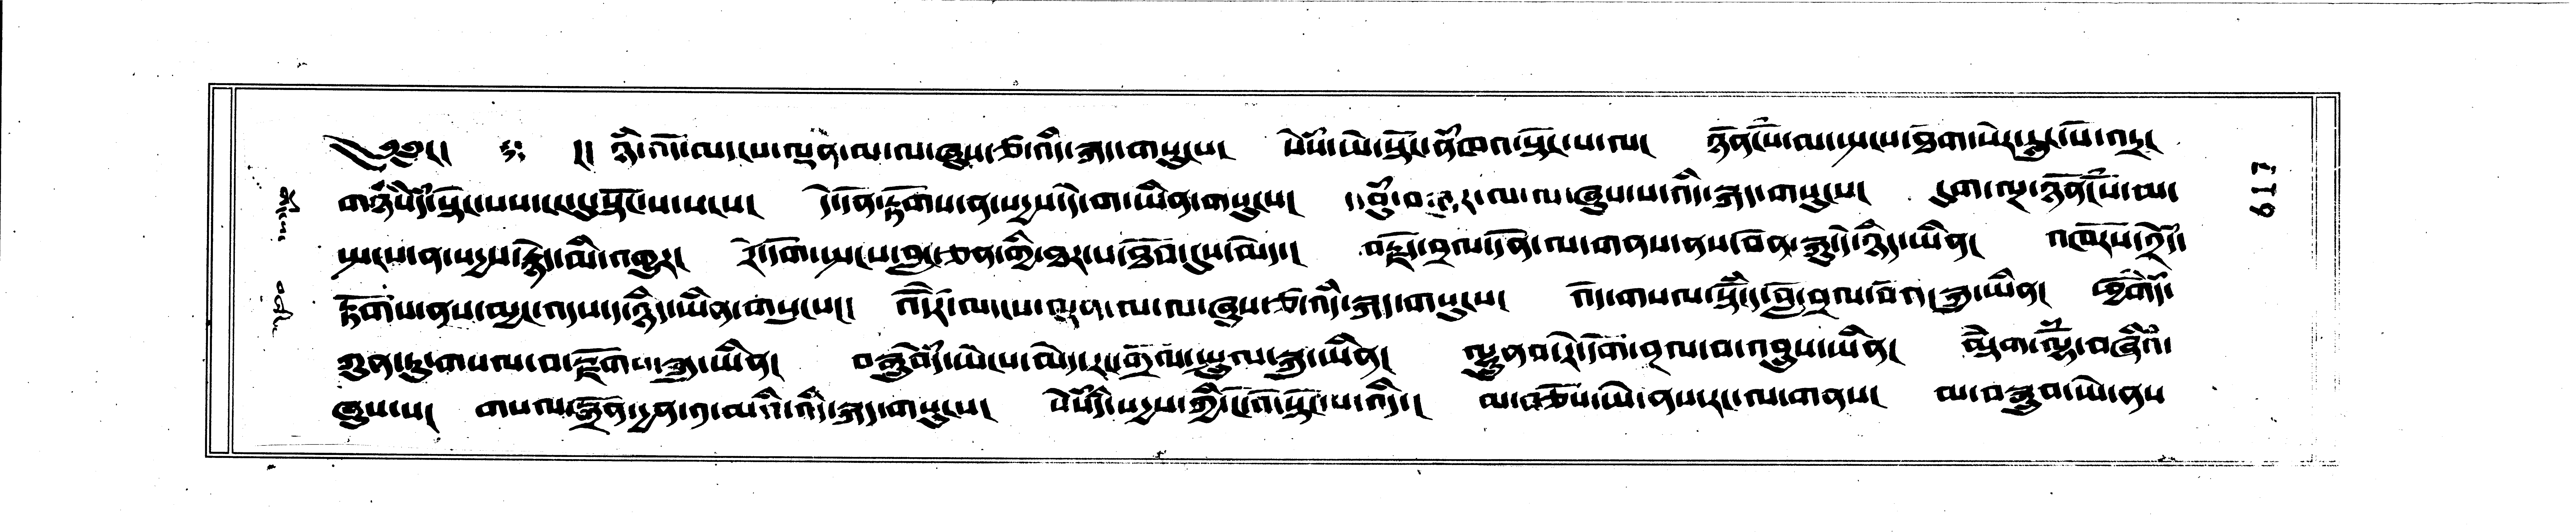ཉི་འོད་མདངས་ལྡན་ལ་ཞུས་ཙ་འདི་སྐད་གསུངས། ཡེ་སྟོང་ནམ་མཁའ་སྟོང་པ་ལ། ཉོན་མོངས་མ་སྤངས་ཐོགས་སེར་རླུང་པོ་འདྲ། 
གཉིས་མེད་སྟོང་པའི་ངང་དུ་སྟོང་པ་སངས། དེ་དོན་རྟོགས་ན་སངས་རྒྱས་དེ་ཀ་ཡིན་གསུངས། འབུམ་བསྒྱུར་མ་ལ་ཞུས་ཙ་འདི་སྐད་གསུངས། དུག་ལྔ་ཉོན་མོངས་
པའི་ཁྱེར་ན་སངས་རྒྱས་རྙེད་མི་འགྱུར། རེ་དོག་སྤང་བླངས་ཅན་གྱིས་ཐར་པ་ཐོབ་དུས་མེད། བརྗོད་བྲལ་དོན་ལ་གནས་ན་བོན་སྐུ་དེ་ཀ་ཡིན། འཁོར་འདས་གཉིས་མེད་
རྟོགས་ན་མྱང་འདས་དེ་ཡིན་གསུངས། འོད་ཟེར་མདངས་ལྡན་མ་ལ་ཞུས་ཙ་འདི་སྐད་གསུངས། འོད་གསལ་སྟོང་ཉིད་བློ་བྲལ་བོན་སྐུ་ཡིན། ཕྱོགས་མེད་
ཀུན་ཏུ་གསལ་བ་རྫོགས་སྐུ་ཡིན། བསྒྲུབ་མེད་ཡེངས་མེད་རང་གྲོལ་སྤྲུལ་སྐུ་ཡིན། ལྷུན་གྲུབ་རེ་དོག་བྲལ་བ་འབྲས་བུ་ཡིན་གསུངས། མེ་ཏོག་ལྷ་མོ་བཞི་ལ
་ཞུས་ཙ། གསལ་སྒྲོན་རྒྱན་གཅིག་མས་འདི་སྐད་གསུངས། སེམས་སངས་རྒྱས་ཀྱི་ངོའོ་སྟོང་པ་འདི། མ་བཅོས་ཡེ་ནས་རང་ལ་གནས། མ་སྒྲུབས་ཡེ་ནས་